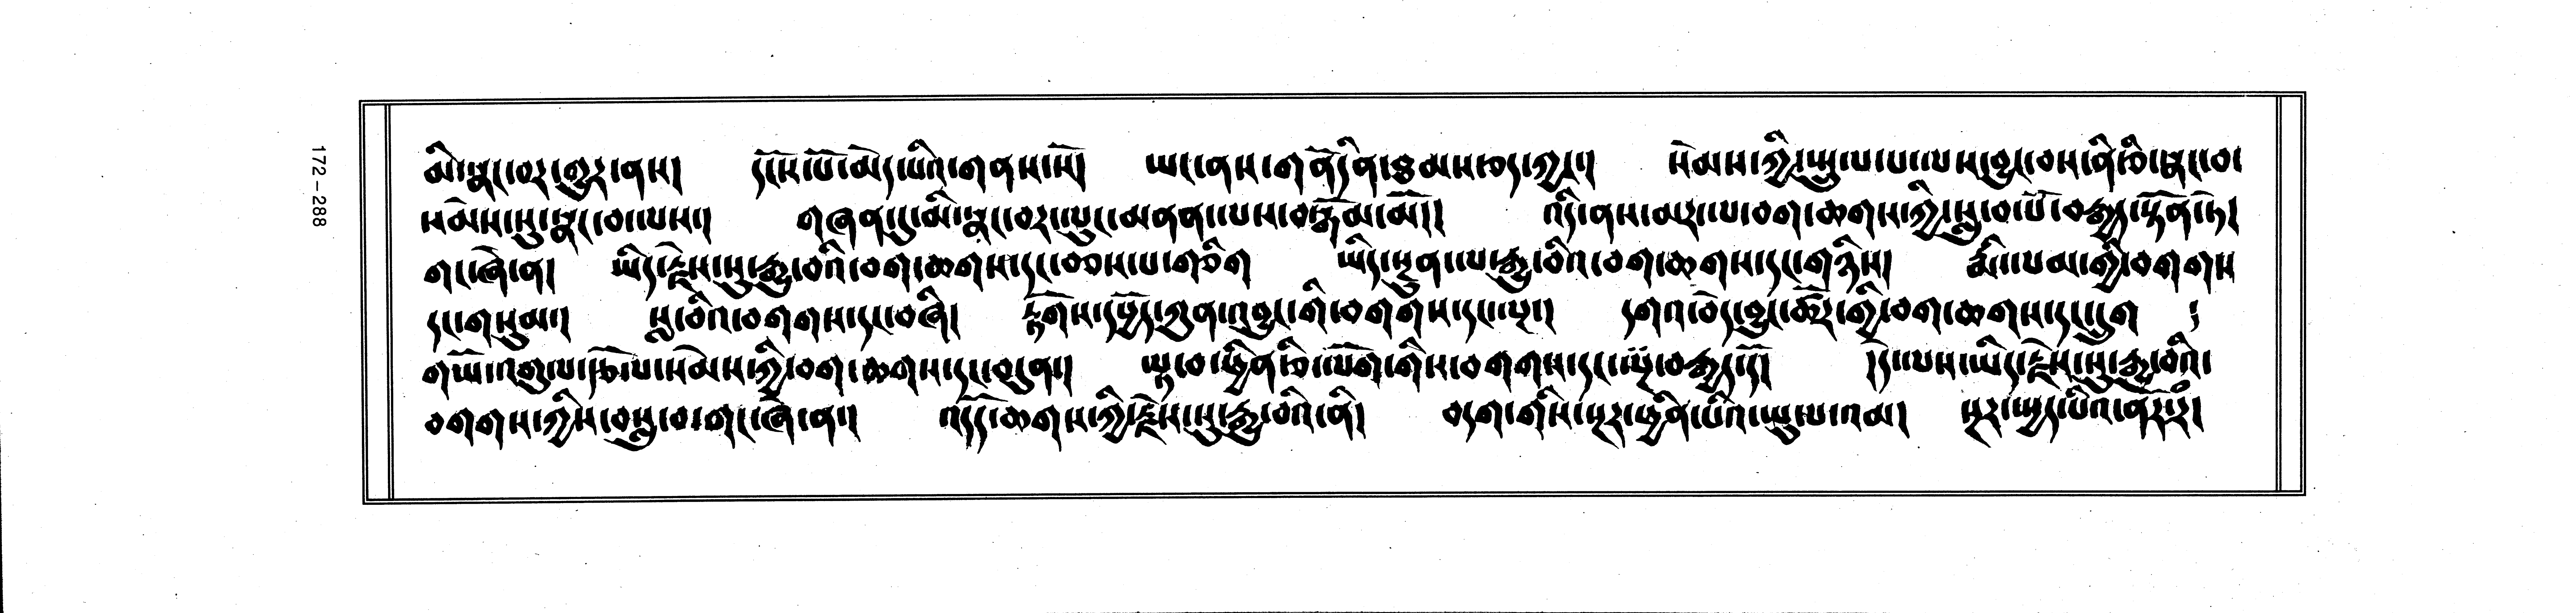མི་སྣང་བར་གྱུར་ནས། དངོས་པོ་མེད་པའི་གནས་སོ། ཡང་ནས་གནོད་སྦྱིན་ཐམས་ཅད་ཀྱང་། སེམས་ཀྱི་སྤྲུལ་པ་ལས་བྱུང་བས་ནི་ཅི་སྣང་བ་
སེམས་སུ་སྣང་བ་ལས། གཞན་དུ་མི་སྣང་བར་ལུང་མནན་ལས་བསྒོམ་མོ། འདི་ནས་མར་ལ་བག་ཆགས་ཀྱི་སླུ་བ་པོ་བརྒྱད་སྟོན་ཏེ།
གང་ཞེ་ན། ཡིད་རྗེས་སུ་རྒྱུ་བའི་བག་ཆགས་དང་བཅས་པ་གཅིག ཡིད་སྔུན་ལ་རྒྱུ་བའི་བག་ཆགས་དང་གཉིས། རྨི་ལམ་གྱི་བག་ཆགས་
དང་གསུམ། སླ་བའི་བག་ཆགས་དང་བཞི། རྟོགས་དཔྱོད་ཀུན་འབྱུང་གི་བག་ཆགས་དང་ལྔ་། དགའ་བདེ་བྱུང་ཚོར་གྱི་བག་ཆགས་དང་དྲུག་
གཡོ་འགུལ་རྩོལ་སེམས་ཀྱི་བག་ཆགས་དང་བདུན། ལྟ་བ་ཕྱིན་ཅི་ལོག་གིས་བག་ཆགས་དང་བརྒྱད་དོ། དེ་ལས་ཡིད་རྗེས་སུ་རྒྱུ་བའི་
བག་ཆགས་ཀྱིས་བསླུ་བ་གང་ཞེ་ན། འདོད་ཆགས་ཀྱི་རྗེས་སུ་རྒྱུ་བའི་བ་ནི། བདག་གིས་སྔར་ཕྱིན་པའི་ཡུལ་འམ། སྔར་སྤྱད་པའི་ནོར་རམ།